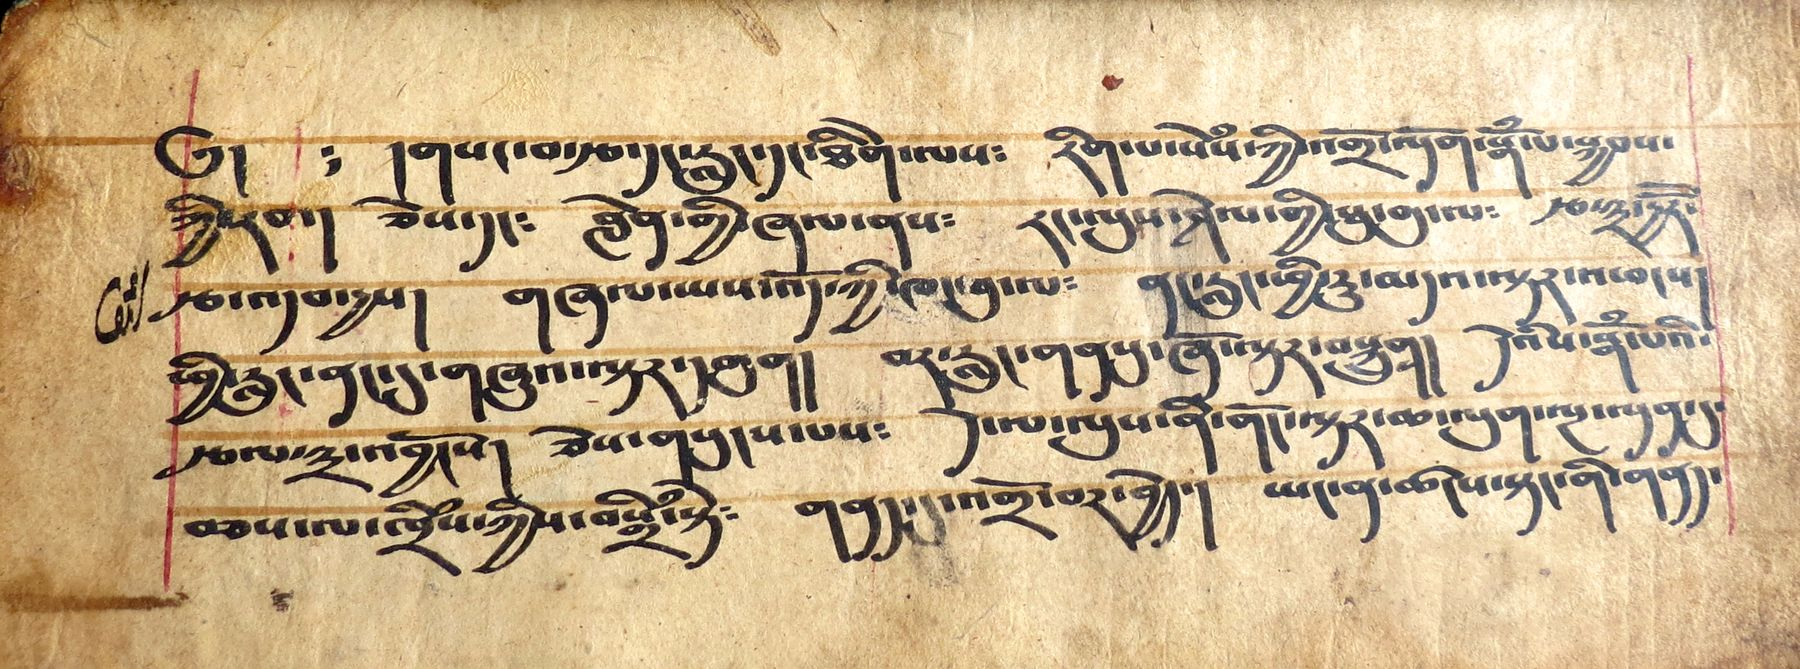གསང་བ་རྩ་དང་རླུང་དང་ཐིག་ལེ་ལ། རིག་པ་སེམས་ཀྱི་འགྲོ་ལྡོག་སྒོམ་པ་སྐྱབས་
ཀྱི་རབ་ཅེས་དང་། བླ་ཆེན་གྱི་ཞལ་ནས། རང་ལུས་ཤེལ་གྱི་སྦུ་གུ་ལ། རྩ་གསུམ་འཁོར་ལོ་
རྩ་འདབ་རྒྱས། གཞལ་ཡས་འོད་ཀྱི་ཁང་བུ་ལ། ནང་རླུང་ཕྱི་རུ་མདའ་ལྟར་འཕངས། 
ཕྱི་རླུང་ནང་དུ་གཞུ་ལྟར་བཀུག བར་རླུང་གནས་སུ་ཞོ་ལྟར་དཀྲུག དེ་ཡིས་སྒོམ་པའི་
རྩལ་གསུམ་འབྱོངས། ཞེས་གསུངས་པས། དེ་ལ་ལུས་གནད་ནི་གོང་ལྟར་ཆ་ལུགས་ལྔ་ལྡན་དུ་
བཅའ་ལ་ཁྲིམས་ཀྱིས་བསྒྲིམ་སྟེ། གནད་དུ་འགྲོ་བར་བྱེད། ཡང་ན་ཚངས་སྟང་གནད་